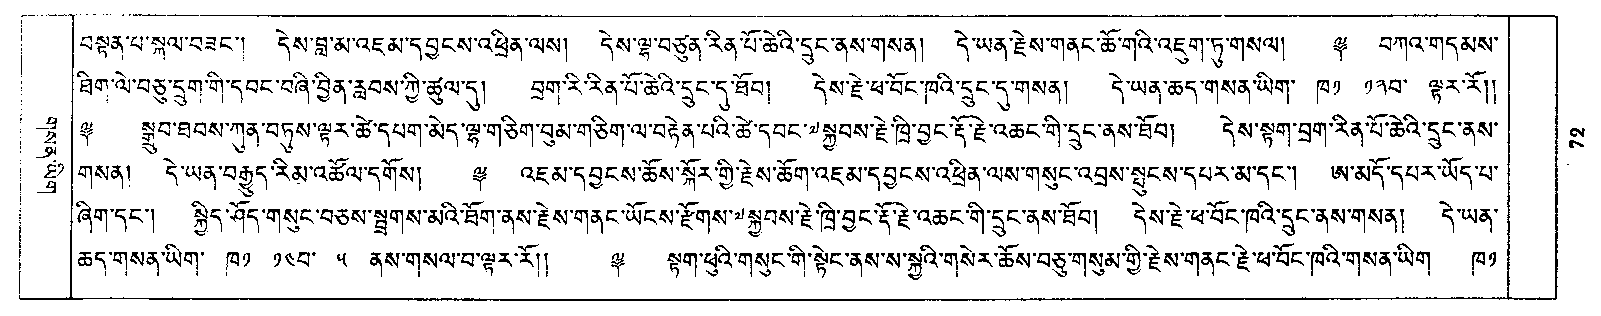བསྟན་པ་སྐལ་བཟང་། དེས་བླ་མ་འཇམ་དབྱངས་འཕྲིན་ལས། དེས་ལྷ་བཙུན་རིན་པོ་ཆེའི་དྲུང་ནས་གསན། དེ་ཡན་རྗེས་གནང་ཆོ་གའི་འཇུག་ཏུ་གསལ། ༈ བཀའ་གདམས་
ཐིག་ལེ་བཅུ་དྲུག་གི་དབང་བཞི་བྱིན་རླབས་ཀྱི་ཚུལ་དུ། བྲག་རི་རིན་པོ་ཆེའི་དྲུང་དུ་ཐོབ། དེས་རྗེ་ཕ་བོང་ཁའི་དྲུང་དུ་གསན། དེ་ཡན་ཆད་གསན་ཡིག་ཁ ༡ ༡༢་བ་ལྟར་རོ།།
༈ སྒྲུབ་ཐབས་ཀུན་བཏུས་ལྟར་ཚེ་དཔག་མེད་ལྷ་གཅིག་བུམ་གཅིག་ལ་བརྟེན་པའི་ཚེ་དབང་༧་སྐྱབས་རྗེ་ཁྲི་བྱང་རྡོ་རྗེ་འཆང་གི་དྲུང་ནས་ཐོབ། དེས་སྟག་བྲག་རིན་པོ་ཆེའི་དྲུང་ནས་
གསན། དེ་ཡན་བརྒྱུད་རིམ་འཚོལ་དགོས། ༈ འཇམ་དབྱངས་ཆོས་སྐོར་གྱི་རྗེས་ཆོག་འཇམ་དབྱངས་འཕྲིན་ལས་གསུང་འབྲས་སྤུངས་དཔར་མ་དང་། ཨ་མདོ་དཔར་ཡོད་པ་
ཞིག་དང་། སྐྱིད་ཤོད་གསུང་བཅས་སྦྲགས་མའི་ཐོག་ནས་རྗེས་གནང་ཡོངས་རྫོགས་༧་སྐྱབས་རྗེ་ཁྲི་བྱང་རྡོ་རྗེ་འཆང་གི་དྲུང་ནས་ཐོབ། དེས་རྗེ་ཕ་བོང་ཁའི་དྲུང་ནས་གསན། དེ་ཡན་
ཆད་གསན་ཡིག་ཁ ༡ ༡༤་བ ༥་ནས་གསལ་བ་ལྟར་རོ།། ༈ སྟག་ཕུའི་གསུང་གི་སྟེང་ནས་ས་སྐྱའི་གསེར་ཆོས་བཅུ་གསུམ་གྱི་རྗེས་གནང་རྗེ་ཕ་བོང་ཁའི་གསན་ཡིག་ཁ ༡